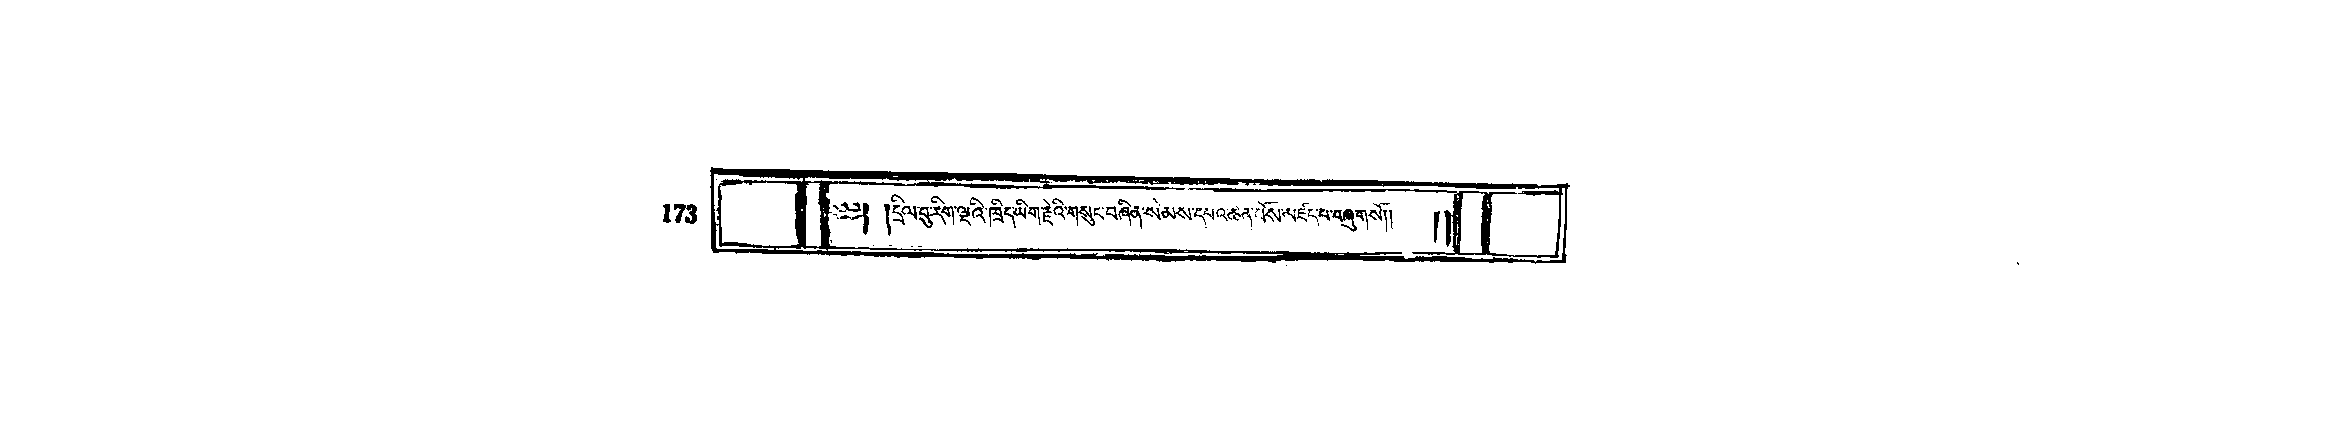༄༅། །དྲིལ་བུ་རིམ་ལྔའི་ཁྲིད་ཡིག་རྗེའི་གསུང་བཞིན་སེམས་དཔའ་ཆེན་པོས་མཛད་པ་བཞུགས་སོ། །